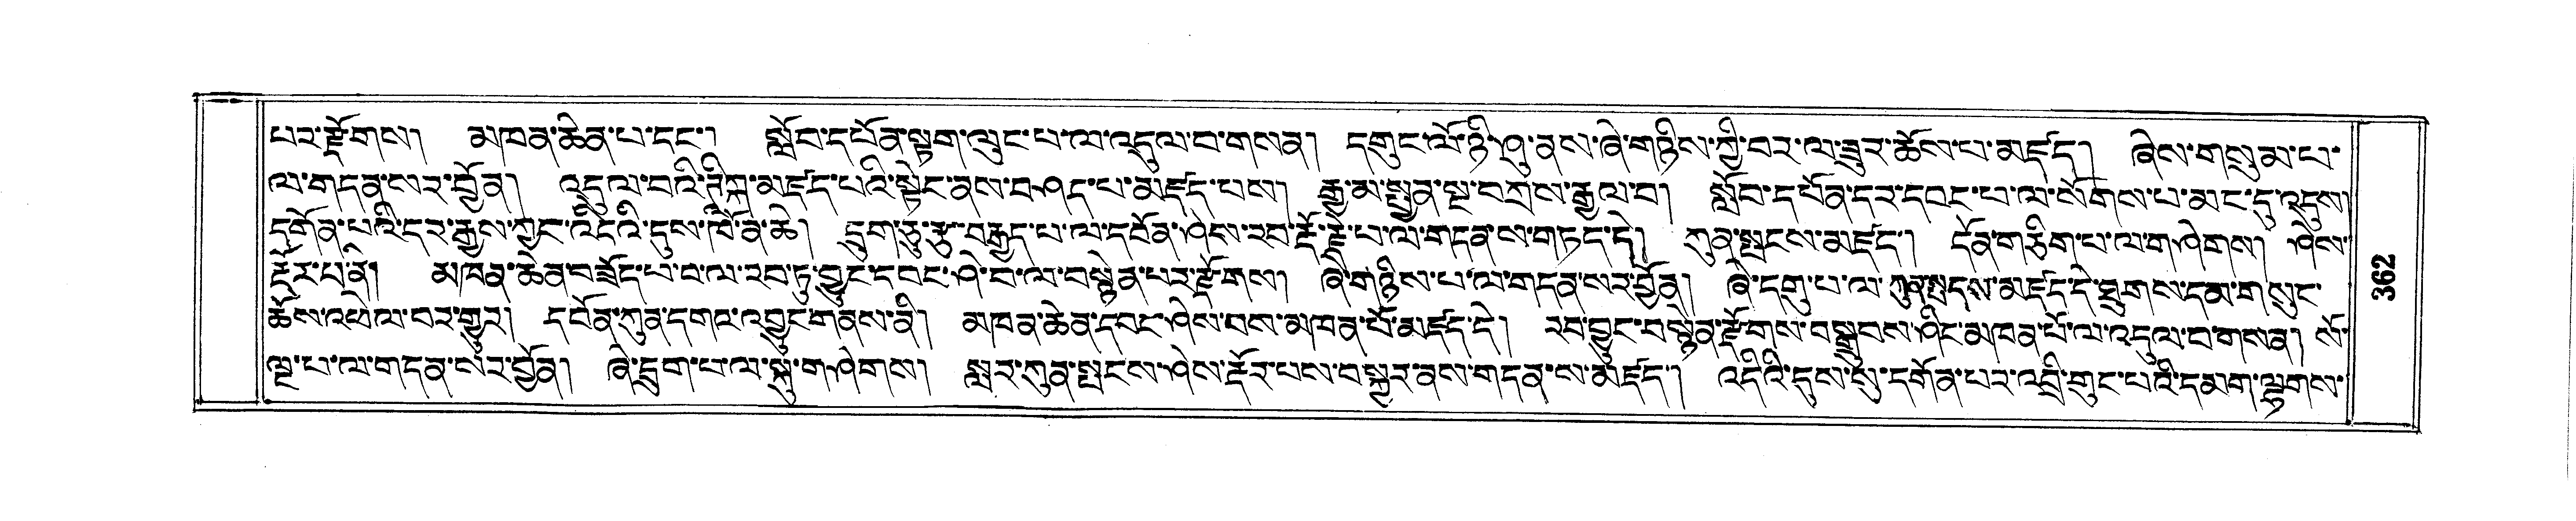པར་རྫོགས། མཁན་ཆེན་པ་དང་། སློབ་དཔོན་སྟག་ལུང་པ་ལ་འདུལ་བ་གསན། དགུང་ལོ་ཉི་ཤུ་ནས་ཞེ་གཉིས་ཀྱི་བར་ལ་ཟུར་ཆོས་པ་མཛད། ཞེས་གསུམ་པ་
ལ་གདན་སར་བྱོན། འདུལ་བའི་ཊཱིཀྐ་མཛད་པའི་སྟེང་ནས་བཤད་པ་མཛད་པས། རྒྱ་མ་སྤྱན་སྔ་བཀྲས་རྒྱལ་བ། སློབ་དཔོན་དར་དབང་པ་ལ་སོགས་པ་མང་དུ་འདུས་
དགོན་པའི་དར་རྒྱས་ཀྱང་འདིའི་དུས་ཁོ་ན་ཆེ། དྲུག་ཅུ་རྩ་བརྒྱད་པ་ལ་དབོན་ཤེས་རབ་རྡོ་རྗེ་པ་ལ་གདན་ས་གཏད་དེ། ཀུན་སྤངས་མཛད། དོན་གཅིག་པ་ལ་གཤེགས། ཤེས་
རྡོར་པ་ནི། མཁན་ཆེན་བཟོད་པ་བ་ལ་རབ་ཏུ་བྱུང་དབང་ཤེ་བ་ལ་བསྙེན་པར་རྫོགས། ཞེ་གཉིས་པ་ལ་གདན་སར་བྱོན། ཞེ་དགུ་པ་ལ་ཀུན་སྤངས་མཛད་དེ་ཐུགས་དམ་གསུང་
ཆོས་འཕེལ་བར་གྱུར། དབོན་ཀུན་དགའ་འབྱུང་གནས་ནི། མཁན་ཆེན་དབང་ཤེས་བས་མཁན་པོ་མཛད་དེ། རབ་བྱུང་བསྙེན་རྫོགས་བསྒྲུབས་ཤིང་མཁན་པོ་ལ་འདུལ་བ་གསན། སོ་
ལྔ་པ་ལ་གདན་སར་བྱོན། ཞེ་དྲུག་པ་ལ་སྐུ་གཤེགས། སླར་ཀུན་སྤངས་ཤེས་རྡོར་པས་བསྐྱར་ནས་གདན་ས་མཛད། འདིའི་དུས་སུ་དགོན་པར་འབྲི་གུང་པའི་དམག་ལྷགས་